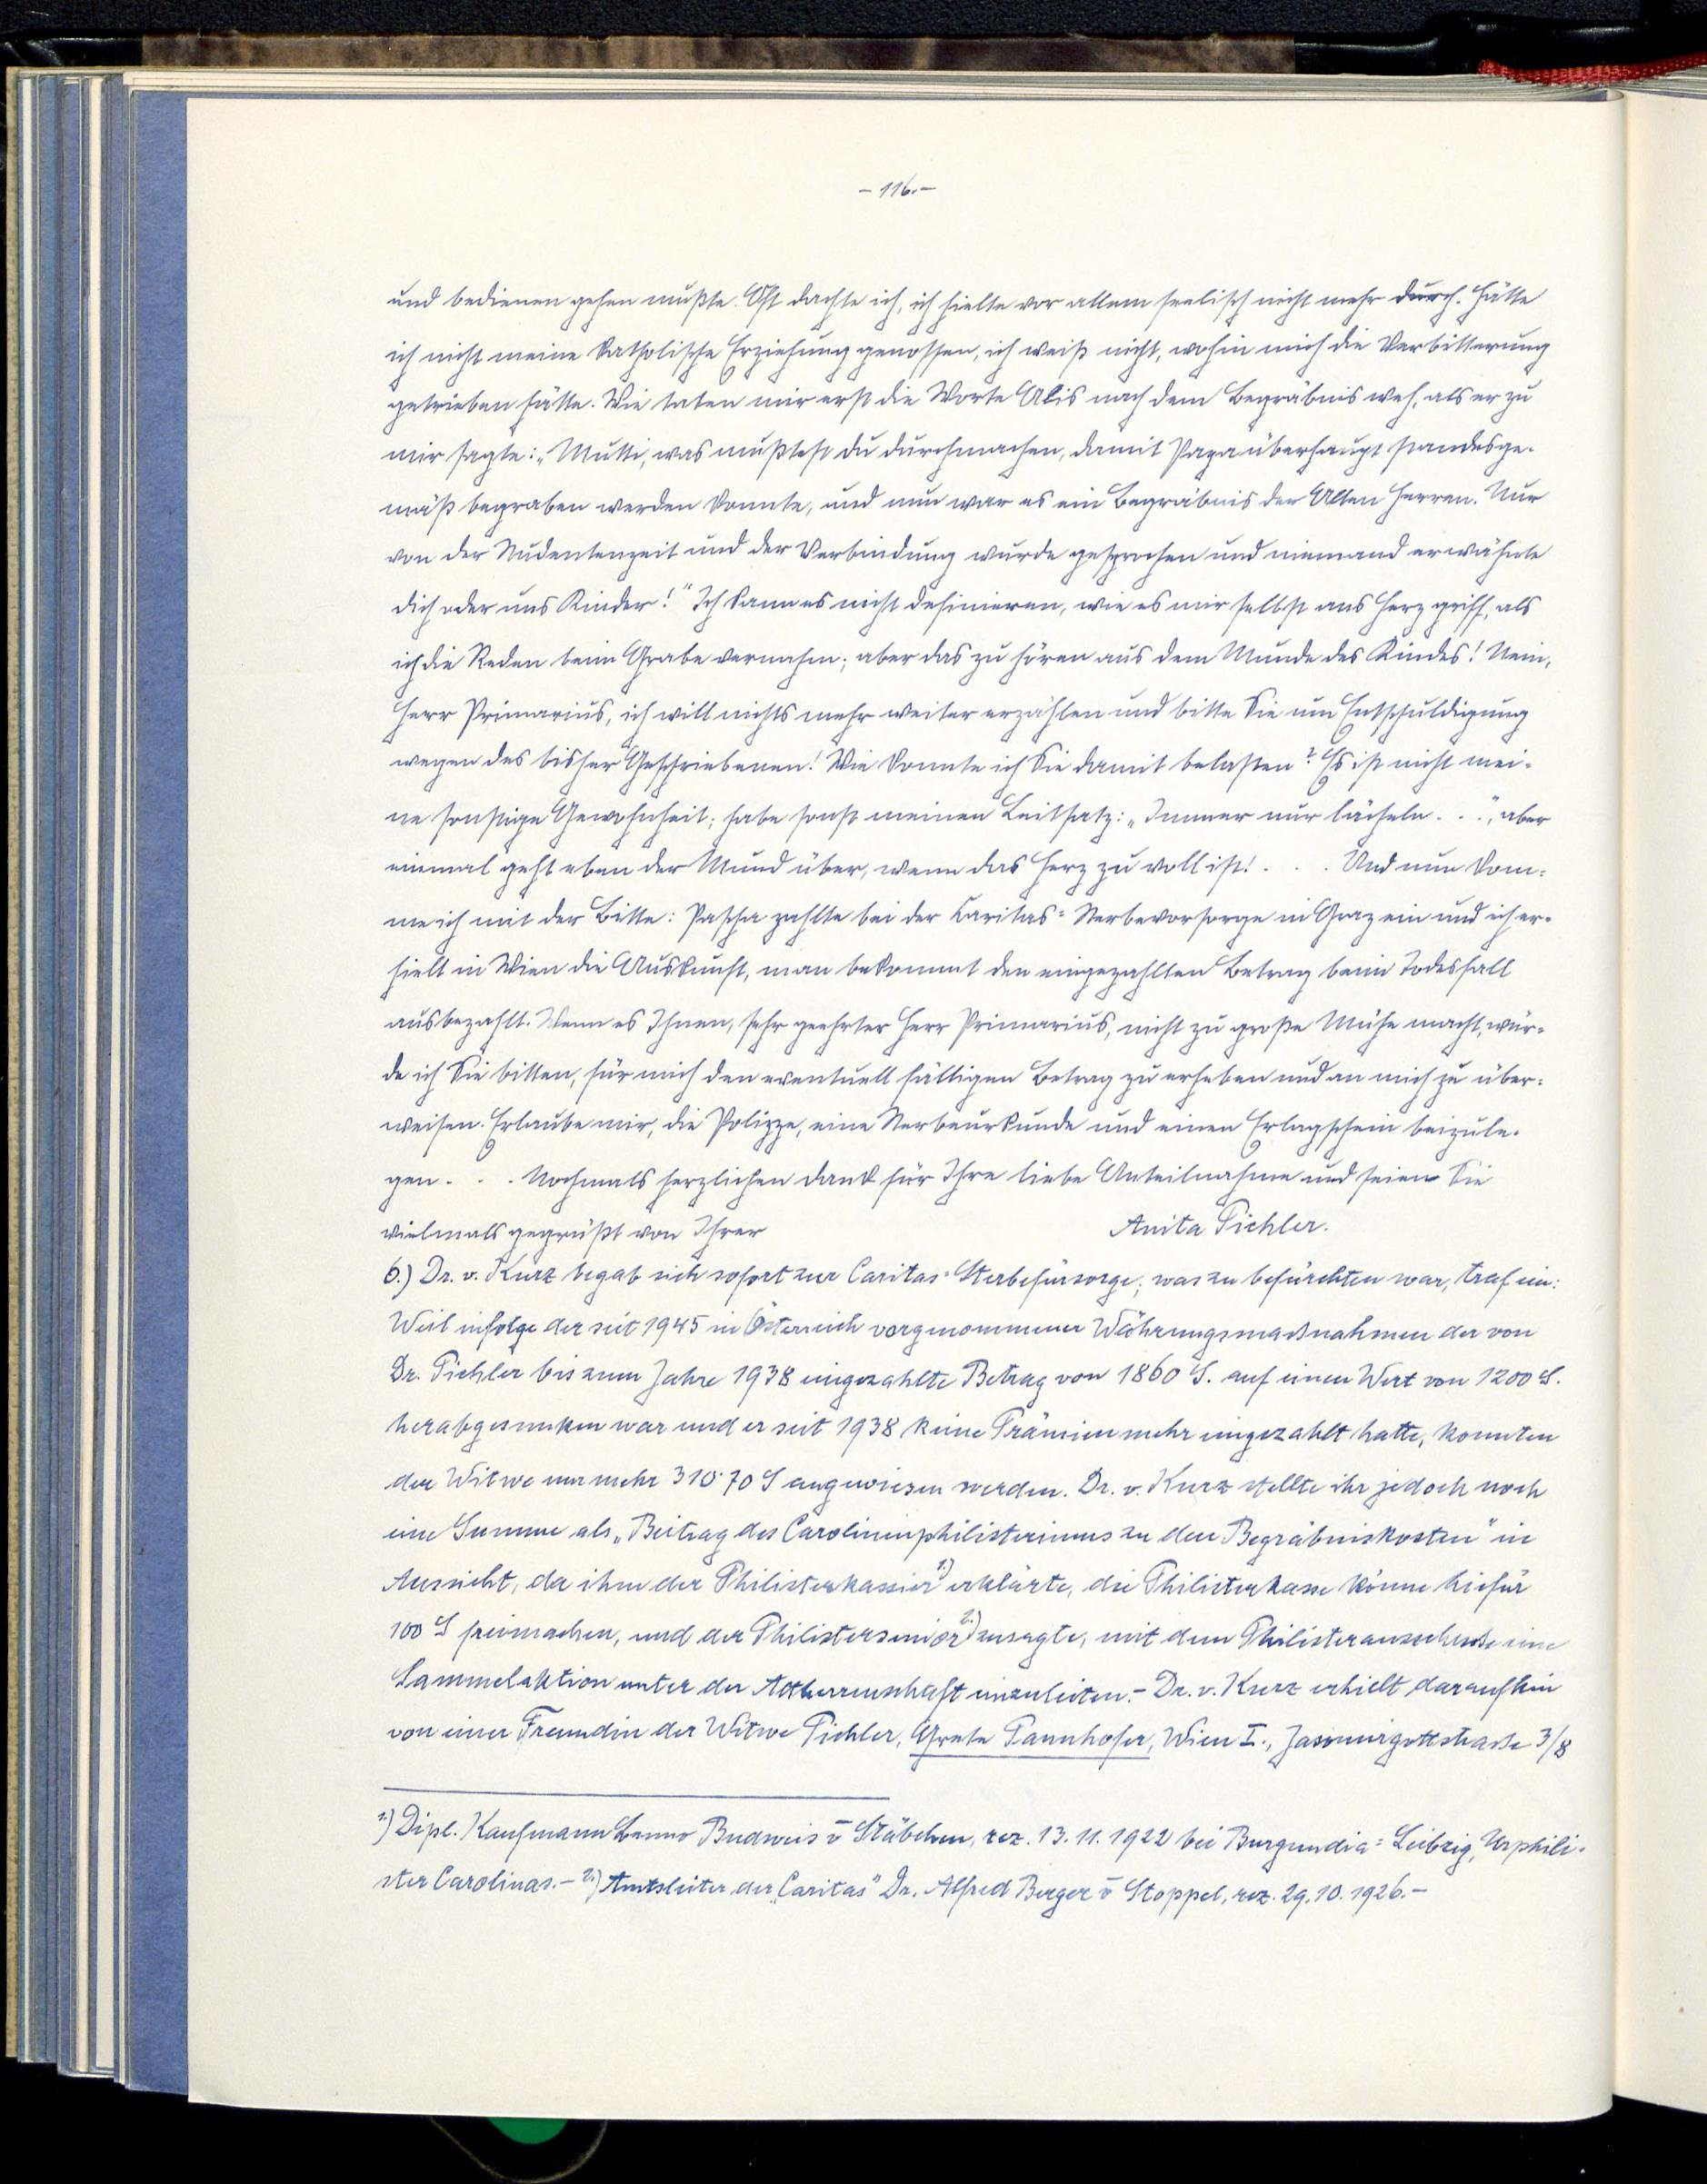116
und bedienen gehen mußte. Oft dachte ich, ich hielte vor allem seelisch nicht mehr durch. Hätte
ich nicht meine katholische Erziehung genossen, ich weiß nicht, wohin mich die Verbitterung
getrieben hätte. Wie taten mir erst die Worte Alis nach dem Begräbnis weh, als er zu
mir sagte.: „Mutti, was musstest du durchmachen, damit Papa überhaupt standesge-
mäß begraben werden konnte, und nun war es ein Begräbnis der Alten Herrn. Nur
von der Studentenzeit und der Verbindung wurde gesprochen und niemand erwähnte
dich oder uns Kinder!“ Ich kann es nicht definieren, wie es mir selbst ans Herz griff, als
ich die Reden beim Grabe vernahm; aber das zu hören aus dem Mund des Kindes! Nein,
Herr Primarius, ich will nichts mehr weiter erzählen und bitte Sie um Ertschuldigung
wegen des bisher Geschriebenen! Wie konnte ich Sie damit belasten? Es ist nicht mei-
ne sonstige Gewohnheit; habe sonst meinen Leitsatz: „Immer nur lächeln..." aber
einmal geht eben der Mund über, wenn das Herz zu voll ist.Und nun kom-
me ich mit der Bitte: Pascha zählte bei der Caritas: Sterbevorsorge in Graz ein und ich er-
hielt in Wien die Auskunft, man bekommt den eingezahlten Beitrag beim Todesfall
ausbezahlt. Wenn es Ihnen sehr geehrter Herr Primarius, nicht zu große Mühe macht, wür-
de ich Sie bitten, für mich den eventuell fälligen Beitrag zu erheben und an mich zu über-
weisen. Erlaube mir, die Polizze, eine Sterbeurkunde und einen Erlagschein beizule-
gen... Nochmals Herzlichen Dank für Ihre liebe Anteilnahme und seien Sie
vielmals gegrüsst von Ihrer
Anita Pichler.
6.) Dr. v. Kurz begab sich sofort zur Caritas- Sterbefürsorge, was zu befürchten war, traf ein.
Weil infolge der seit 1945 in Österreich vorgenommen Währungsngmaßnahmen der von
Dr. Pichler bis zum Jahre 1938 eingezahlte Beitrag von 1860 S. auf einen Wer von 1200 S
herabgesunken war und er seit 1938 keine Prämien mehr eingezahlt hatte, konnten
der Witwe einer mehr 310.70 ausgewiesen werden. Dr. v. Kurz stellte ihr jedoch noch
eine Summe als „Beitrag des Carolinenphilisteriums zu den Begräbniskosten“ in
Ausicht, da ihm der Philisterkassier 1) erklärte, die Philisterkase könne hiefür
100 S freimachen und der Philistersenior 2) sagte, mit dem Philisterausschuße eine
Sammelaktion unter der Altherrenschaft einzuleiten. Dr. v. Kurz erhielt daraufhin
von einer Frueundin der Witwe Pichler, Grete Pannhofer, Wien I, Jasomirgottstraße. 3/8
1) Dipl. Kaufmann Benno Budweis v/o Stäbchen, rez. 13. 11. 1922 bei Burgundia- Leibzig, Urphili-
ster Carolinas. - 2) Amtsleiter der Caritas“ Dr. Alfred Burger v/o Soppel, rez. 29. 10. 1926.